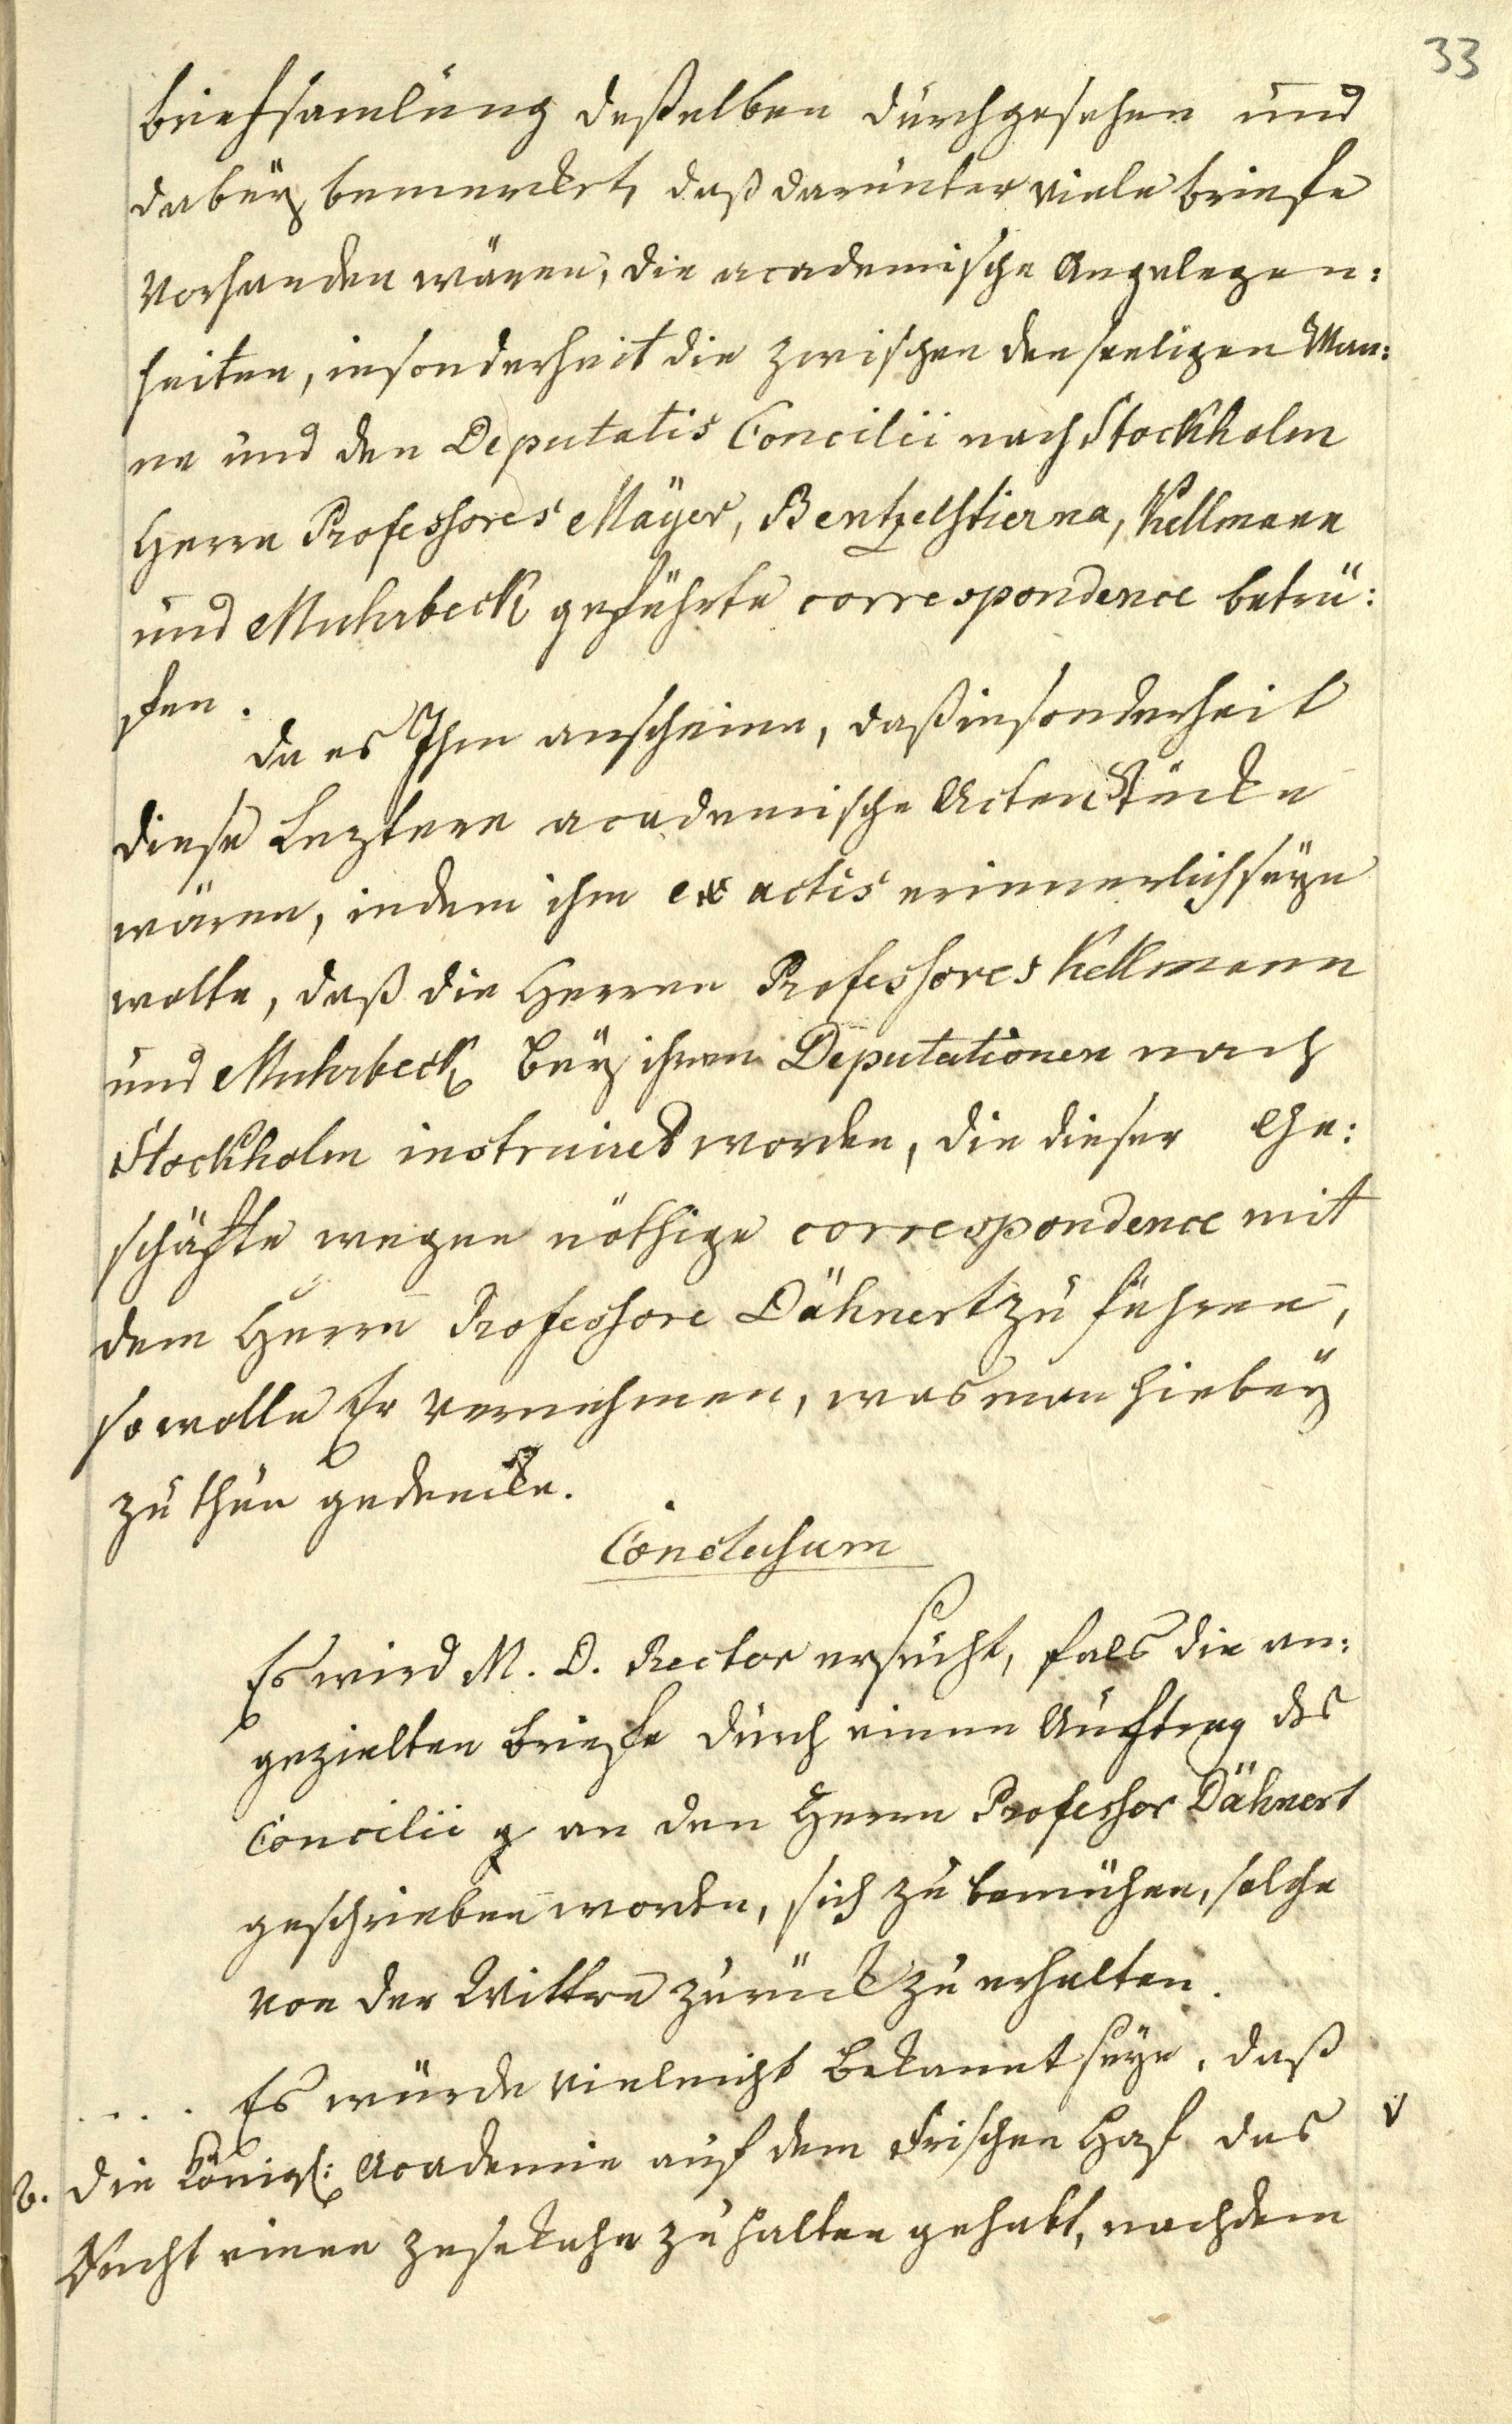Briefsamlung deßelben durchgesehen und
dabeÿ bemercket, daß darunter viele Briefe
vorhanden wären, die academische Angelegen¬
heiten, insonderheit die zwischen den seeligen Man¬
ne und den Deputatis Concilii nach Stockholm
Herrn Professores Maÿer, Bentzelstierna, Kellmann
und Muhrbeck geführte correspondence beträ¬
fen.
Da es Ihm anscheine, daß insonderheit
diese leztern academische Actenstücke
wären, indem ihm ex actis erinnerlich seÿn
wolte, daß die Herren Professores Kellmann
und Muhrbeck beÿ ihren Disputationen nach
Stockholm instruiret worden, die dieser Ge¬
schäfte wegen nöthige correspondence mit
dem Herrn Professore Dähnert zu führen,
so wolle Er vernehmen, was man hiebeÿ
zu thun gedencke
Conclusum
Es wird M. D. Rector ersucht, fals die an¬
gezielten Briefe durch einen Auftrag des
Concilii g an den Herrn Professor Dähnert
geschrieben worden, sich zu bemühen, solche
von der Wittwe zurück zu erhalten
Es würde vieleicht bekannt seÿn, daß
8. Die Königl. Academie auf dem Frischen Haf das
Recht einen Zesekahn zu halten gehabt, nachdem